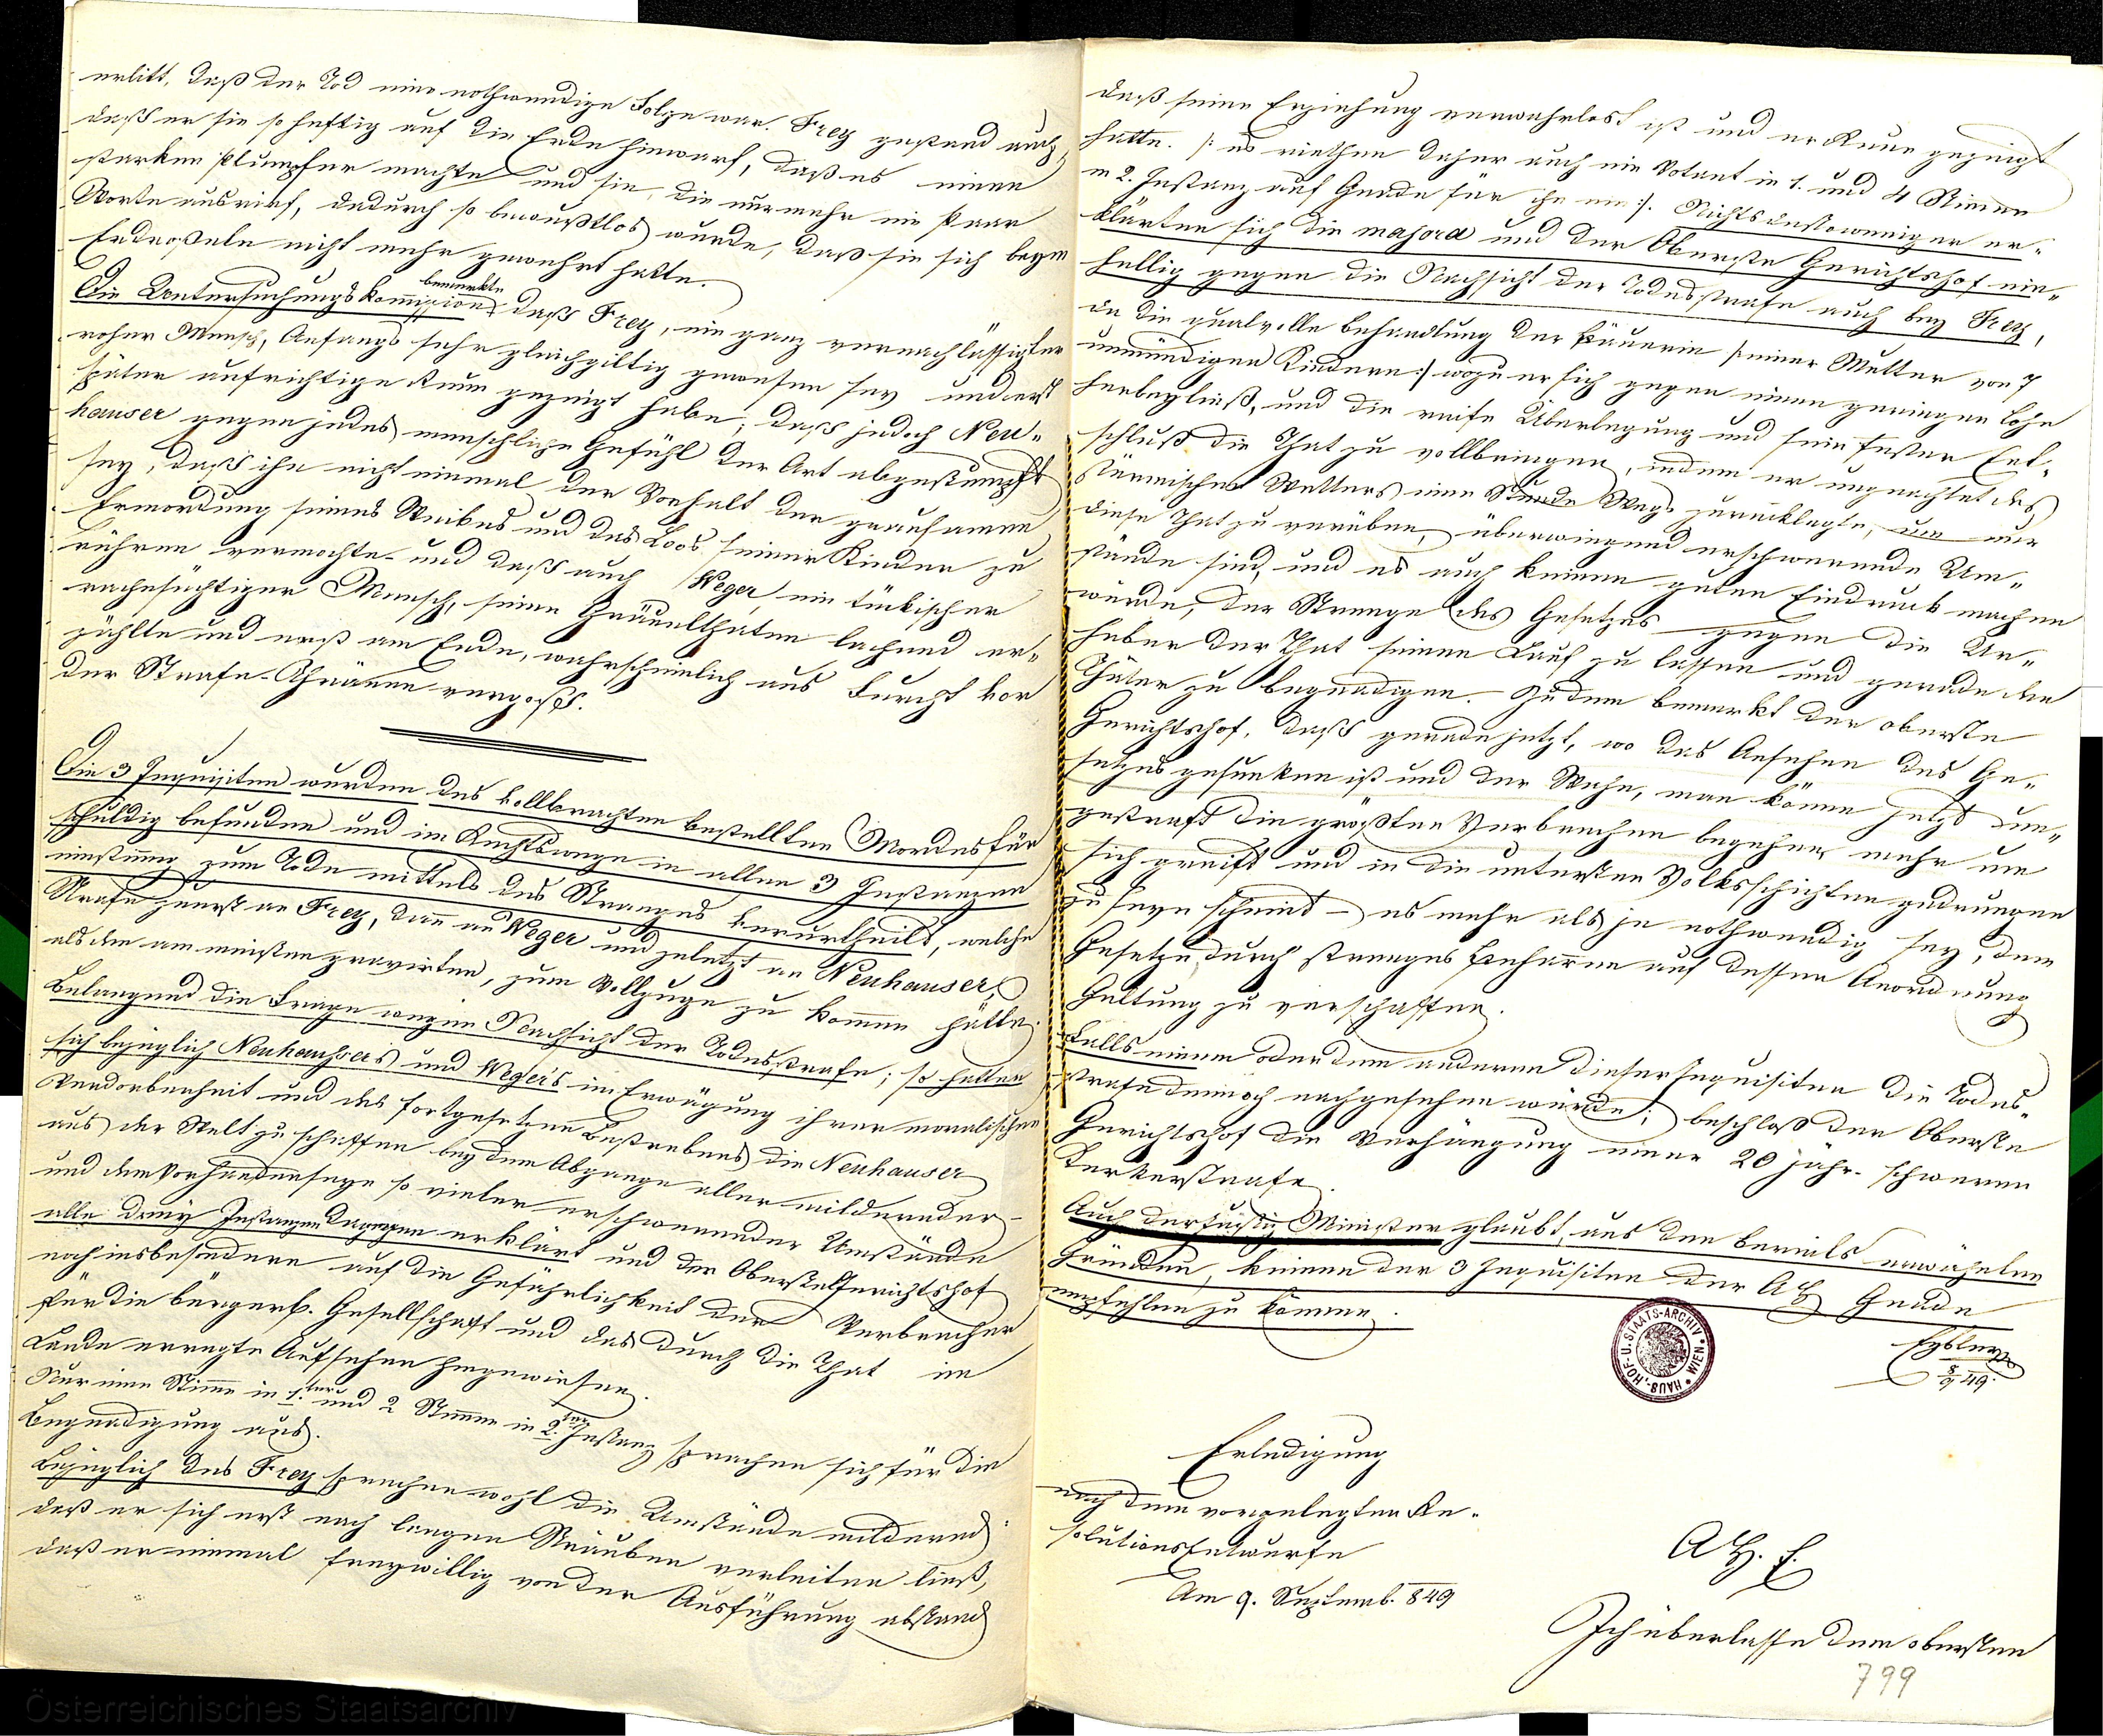erlitt, daß der Tod eine nothwendige Folge war. Frey gestand auch
daß er sie so heftig auf die Erde hinwarf, daß es einen
starken Plumpser machte und sie, die nur mehr ein Paar
Worte ausrief, dadurch so bewußtlos wurde, daß sie sich beym
Erdroßeln nicht mehr gewehrt hatte.
bemerkte
Die Untersuchungskommission daß Frey, ein ganz vernachlässigter
roher Mensch, Anfangs sehr gleichgiltig gewesen sey und erst
später aufrichtige Reue gezeigt habe; daß jedoch Neu¬
hauser gegen jedes menschliche Gefühl der Art abgestumpft
sey, daß ihn nicht einmal der Vorhalt der grausamen
Ermordung seines Weibes und das Loos seiner Kinder zu
rühren vermochte und daß auch Weger, ein tückischer
rachesüchtiger Mensch, seine Gräuelthaten lachend er¬
zählte und erst am Ende, wahrscheinlich aus Furcht vor
der Strafe, Thränen vergoß.
Die 3 Inquisiten wurden des vollbrachten bestellten Mordes für
schuldig befunden und im Rechtswege in allen 3 Instanzen
einstimmig zum Tode mittels des Stranges verurtheilt, welche
Strafe zuerst an Frey, dann an Weger und zuletzt an Neuhauser,
als der am meisten gravirten, zum Vollzuge zu kommen hätte.
Belangend die Frage wegen Nachsicht der Todesstrafe; so hatten
sich bezüglich Neuhausers und Wegers im Erwägung ihrer moralischen
Verdorbenheit und des fortgesetzten Bestrebens die Neuhauser
aus der Welt zu schaffen bey dem Abgange aller mildernder –
und dem Vorhandenseyn so vieler erschwerender Umstände
alle drey Instanzen dagegen erklärt und der Oberste Gerichtshof
noch ins besondere auf die Gefährlichtkeit der Verbrecher
für die bürgerl. Gesellschaft und das durch die That im
Lande erregte Aufsehen hingewiesen.
Nur eine Stimme in 1.ter und 2 Stimmen in 2ter Instanz sprachen sich für die
Begnadigung aus.
Bezüglich des Frey sprechen wohl die Umstände mildernd:
daß er sich erst nach langen Sträuben verleiten ließ,
daß er einmal freyeillig von der Ausführung abstand
daß seine Erziehung verwahrlost ist und er Reue gezeigt
hatte (es riethen daher auch ein Votant in 1. Und 4 Stimmen
in 2. Instanz auf Gnade für ihn um). Nichts destoweniger er¬
klärte sich die majora und der Oberste Gerichtshof ein¬
hellig gegen die Nachsicht der Todesstrafe auch bey Frey,
da die qualvolle Behandlung der Bäuerin (einer Mutter von 7
unmündigen Kindern) wozu er sich gegen einen geringen Lohn
herbey lies, und die reife Überlegung und sein fester Ent¬
schluß die That zu vollbringen, indem er ungeachtet des
stürmischen Wetters eine Stunde Wegs zurücklegte, um nur
diese That zu verüben, überwiegend erschwerende Um¬
stünde sind, und es auch keinen guten Eindrunb machen
wurde, Der Strenge des Gesetzes gegen Die Ur¬
heber der That seinen Lauf zu lassen und gerade den
Thäter zu begnadigen. Zu dem bemerkt der oberste
Gerichtshof, daß gerade jetzt, wo das Ansehen des Ge¬
setzes gesunken ist und der Wahn, man könne jetzt um¬
gestraft die größten Verbrechen begehen, mehr um
sich greift und in die untersten Volksschichten gedrungen
zu seyn scheint – es mehr als je nothwendig sey, dem
Gesetze durch strenges Beharren auf dessen Anordnung
Geltung zu verschaffen.
Falls einem oder dem anderen dieser Inquisiten die Todes¬
strafe dennoch nachgesehen würde; beschloß der Oberste
Gerichtshof die Verhängung einer 20jähr. Schweren
Kerkerstrafe.
Auch der Justiz Minister glaubt, aus der bereits erwähnten
Gründen, keinen der 3 Inquisiten der AH Gnade
empfehlen zu können.
Eybler
8/9 49
Erledigung
Nach dem vorgelegten Re¬
solutions Entwurfe
Am 9. Septemb. 849
Ah E
Ich überlasse dem obersten
799